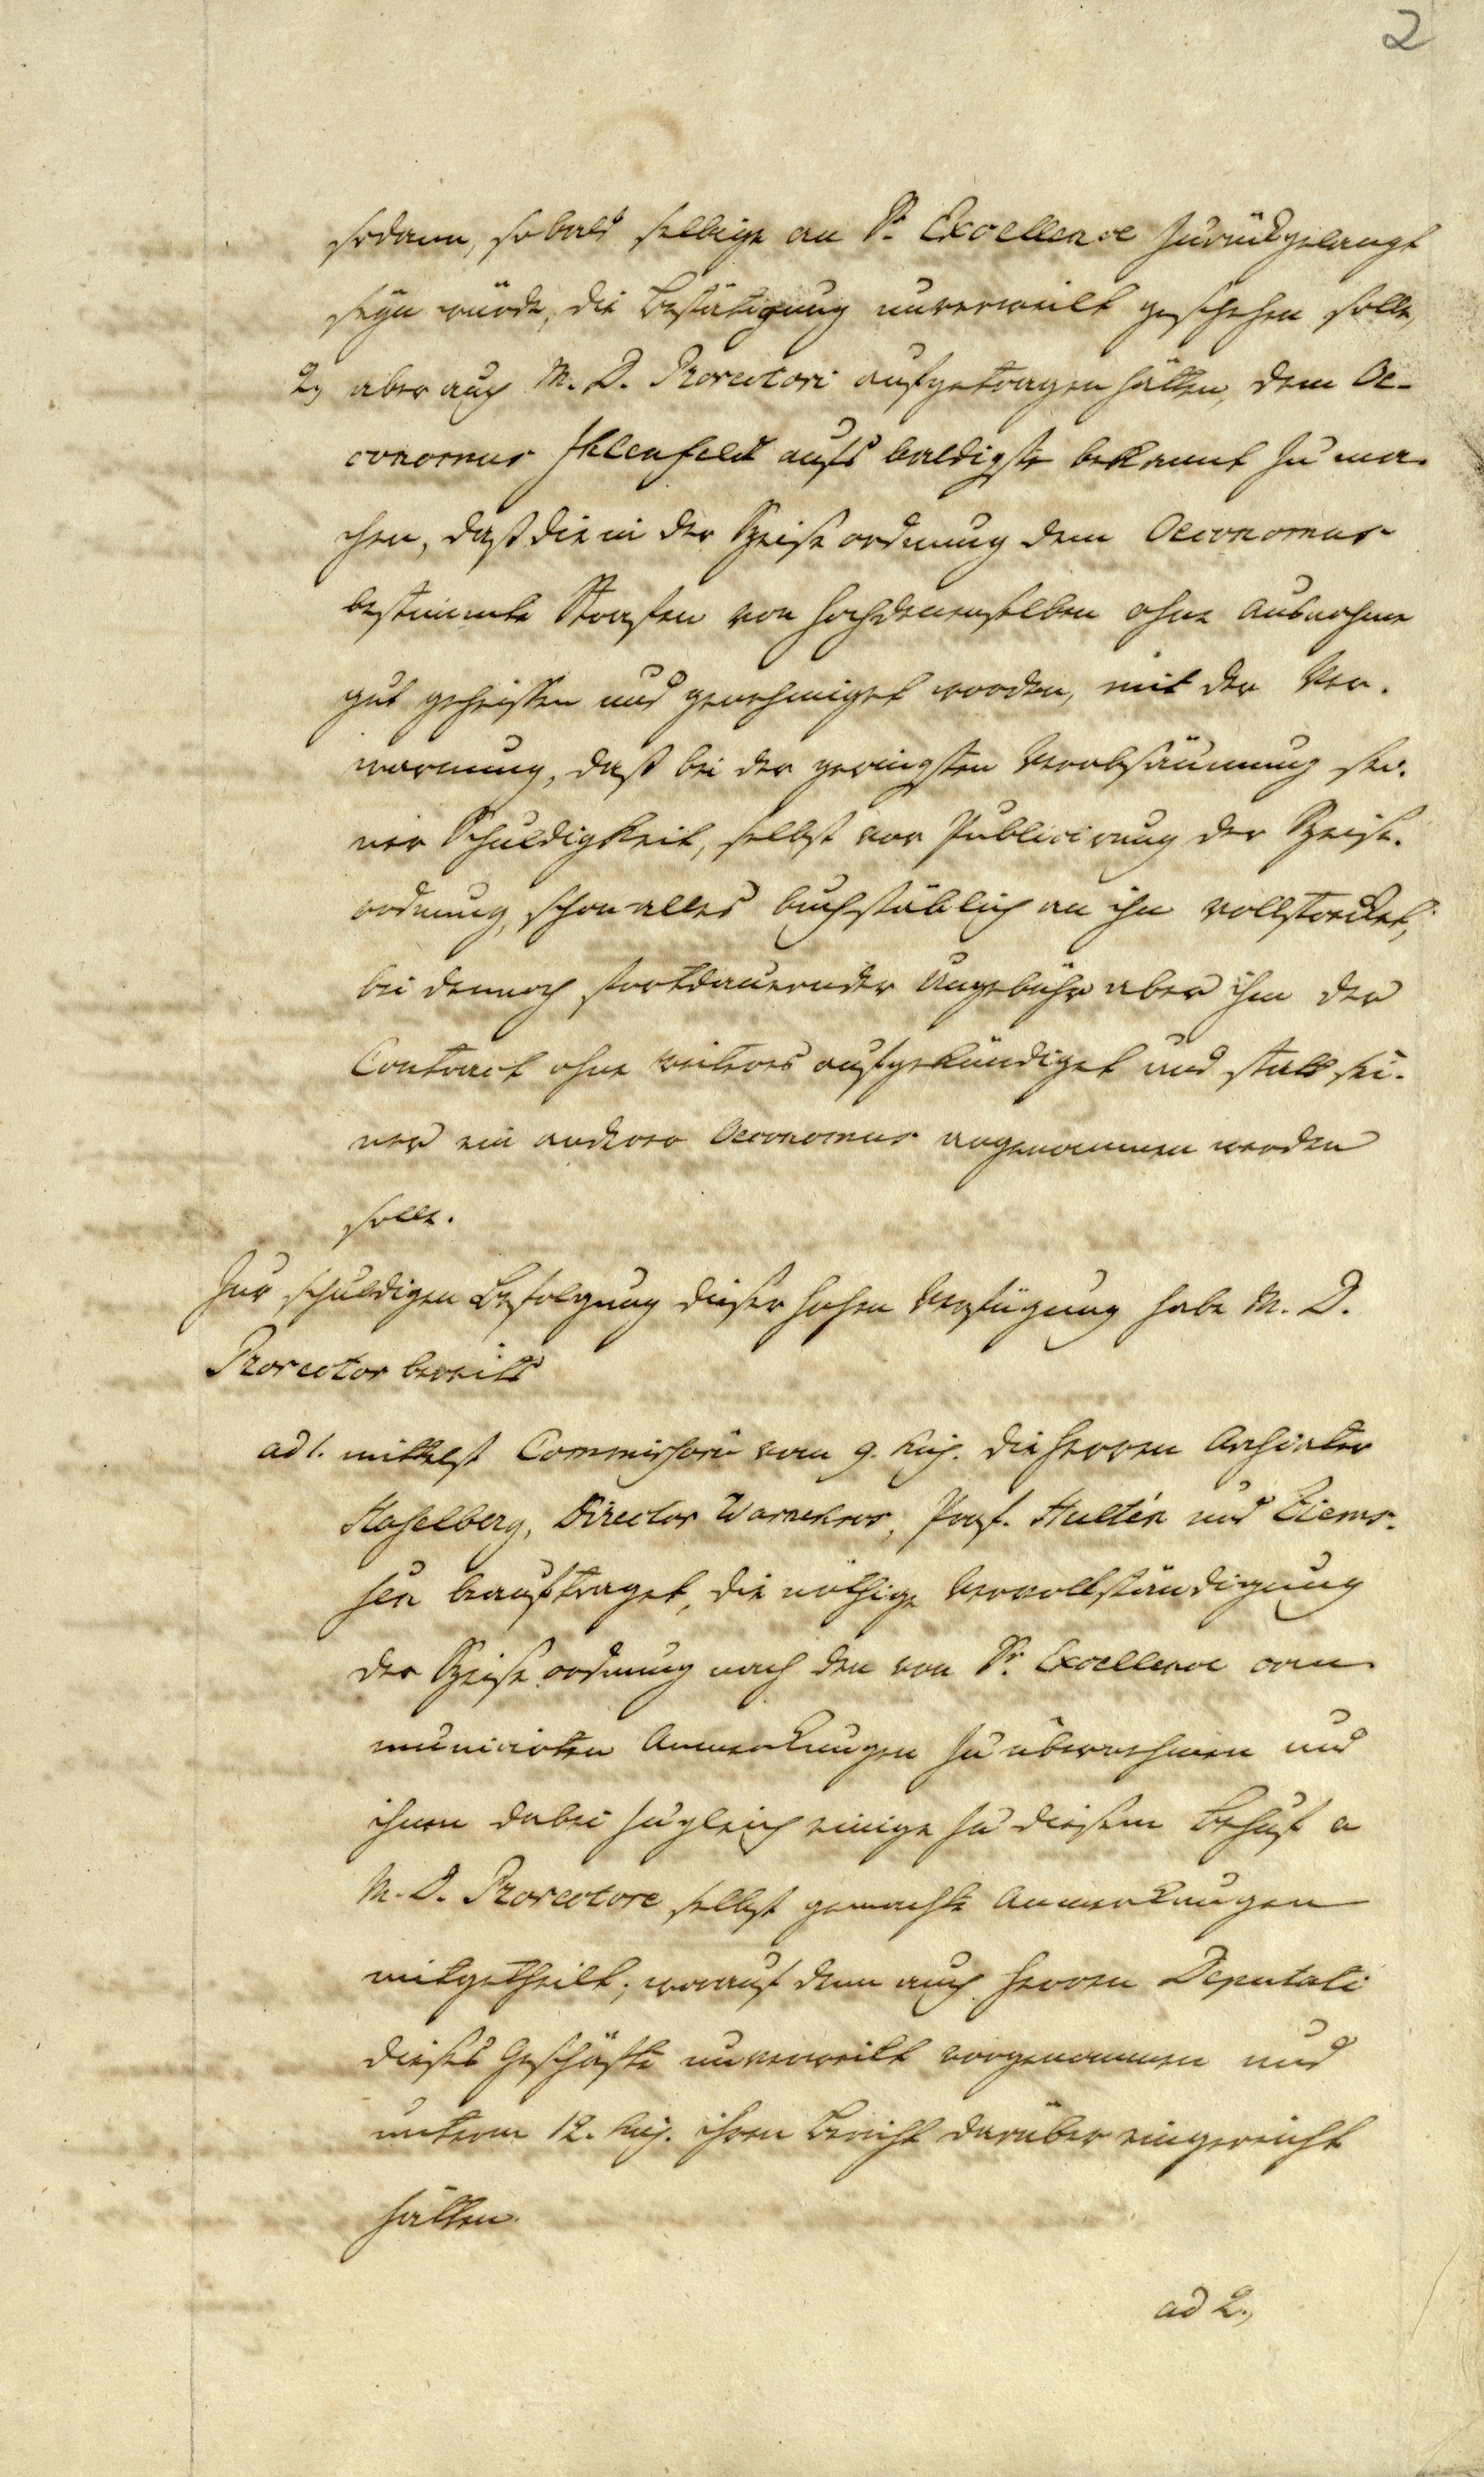sodann, sobald selbige an Sr Excellence zurückgelangt
seÿn würde, die Bestätigung unverweilt geschehen sollte,
2., aber auch M. D. Prorectori aufgetragen hätten dem Oe¬
conomus Ihlenfeldt aufs baldigste bekannt zu ma¬
chen, daß die in der Speiseordnung dem Oeconomus
bestimmte Strafen von Hochdenenselben ohne Ausnahme
gut geheissen und genehmiget worden, mit der Ver¬
warnung, daß bei der geringsten Verabsäumung sein¬
ner Schuldigkeit, selbst vor Publicirung der Speise¬
ordnung, schon alles buchstäblich an ihn vollstrecket;
bei dennoch sinrtdauernder Ungebühr aber ihm der
Contract ohne weiteres aufgekündiget und statt sei¬
ner ein anderer Oeconomus angenommen werden
solle.
Zur schuldigen Befolgung dieser hohen Verfügung habe M. D.
Prorector bereits
ad 1. mittelst Commissorii vom 9. huj. die Herren Archiater
Haselberg, Director Warnekros, Prof. Hultén und Ziems¬
sen beauftraget, die nöthige Vervollständigung
der Speiseordnung nach den von Sr Excellence com¬
municirten Anmerkungen zu übernehmen und
ihnen dabei zugleich einige zu diesem Behuf a
M. D. Prorectore selbst gemachte Anmerkungen
mitgetheilt; worauf denn auch Herren Deputati
dieses Geschäfte unverweilt vorgenommen und
unterm 12. huj. ihren Bericht darüber eingereicht
hätten.
ad 2.,